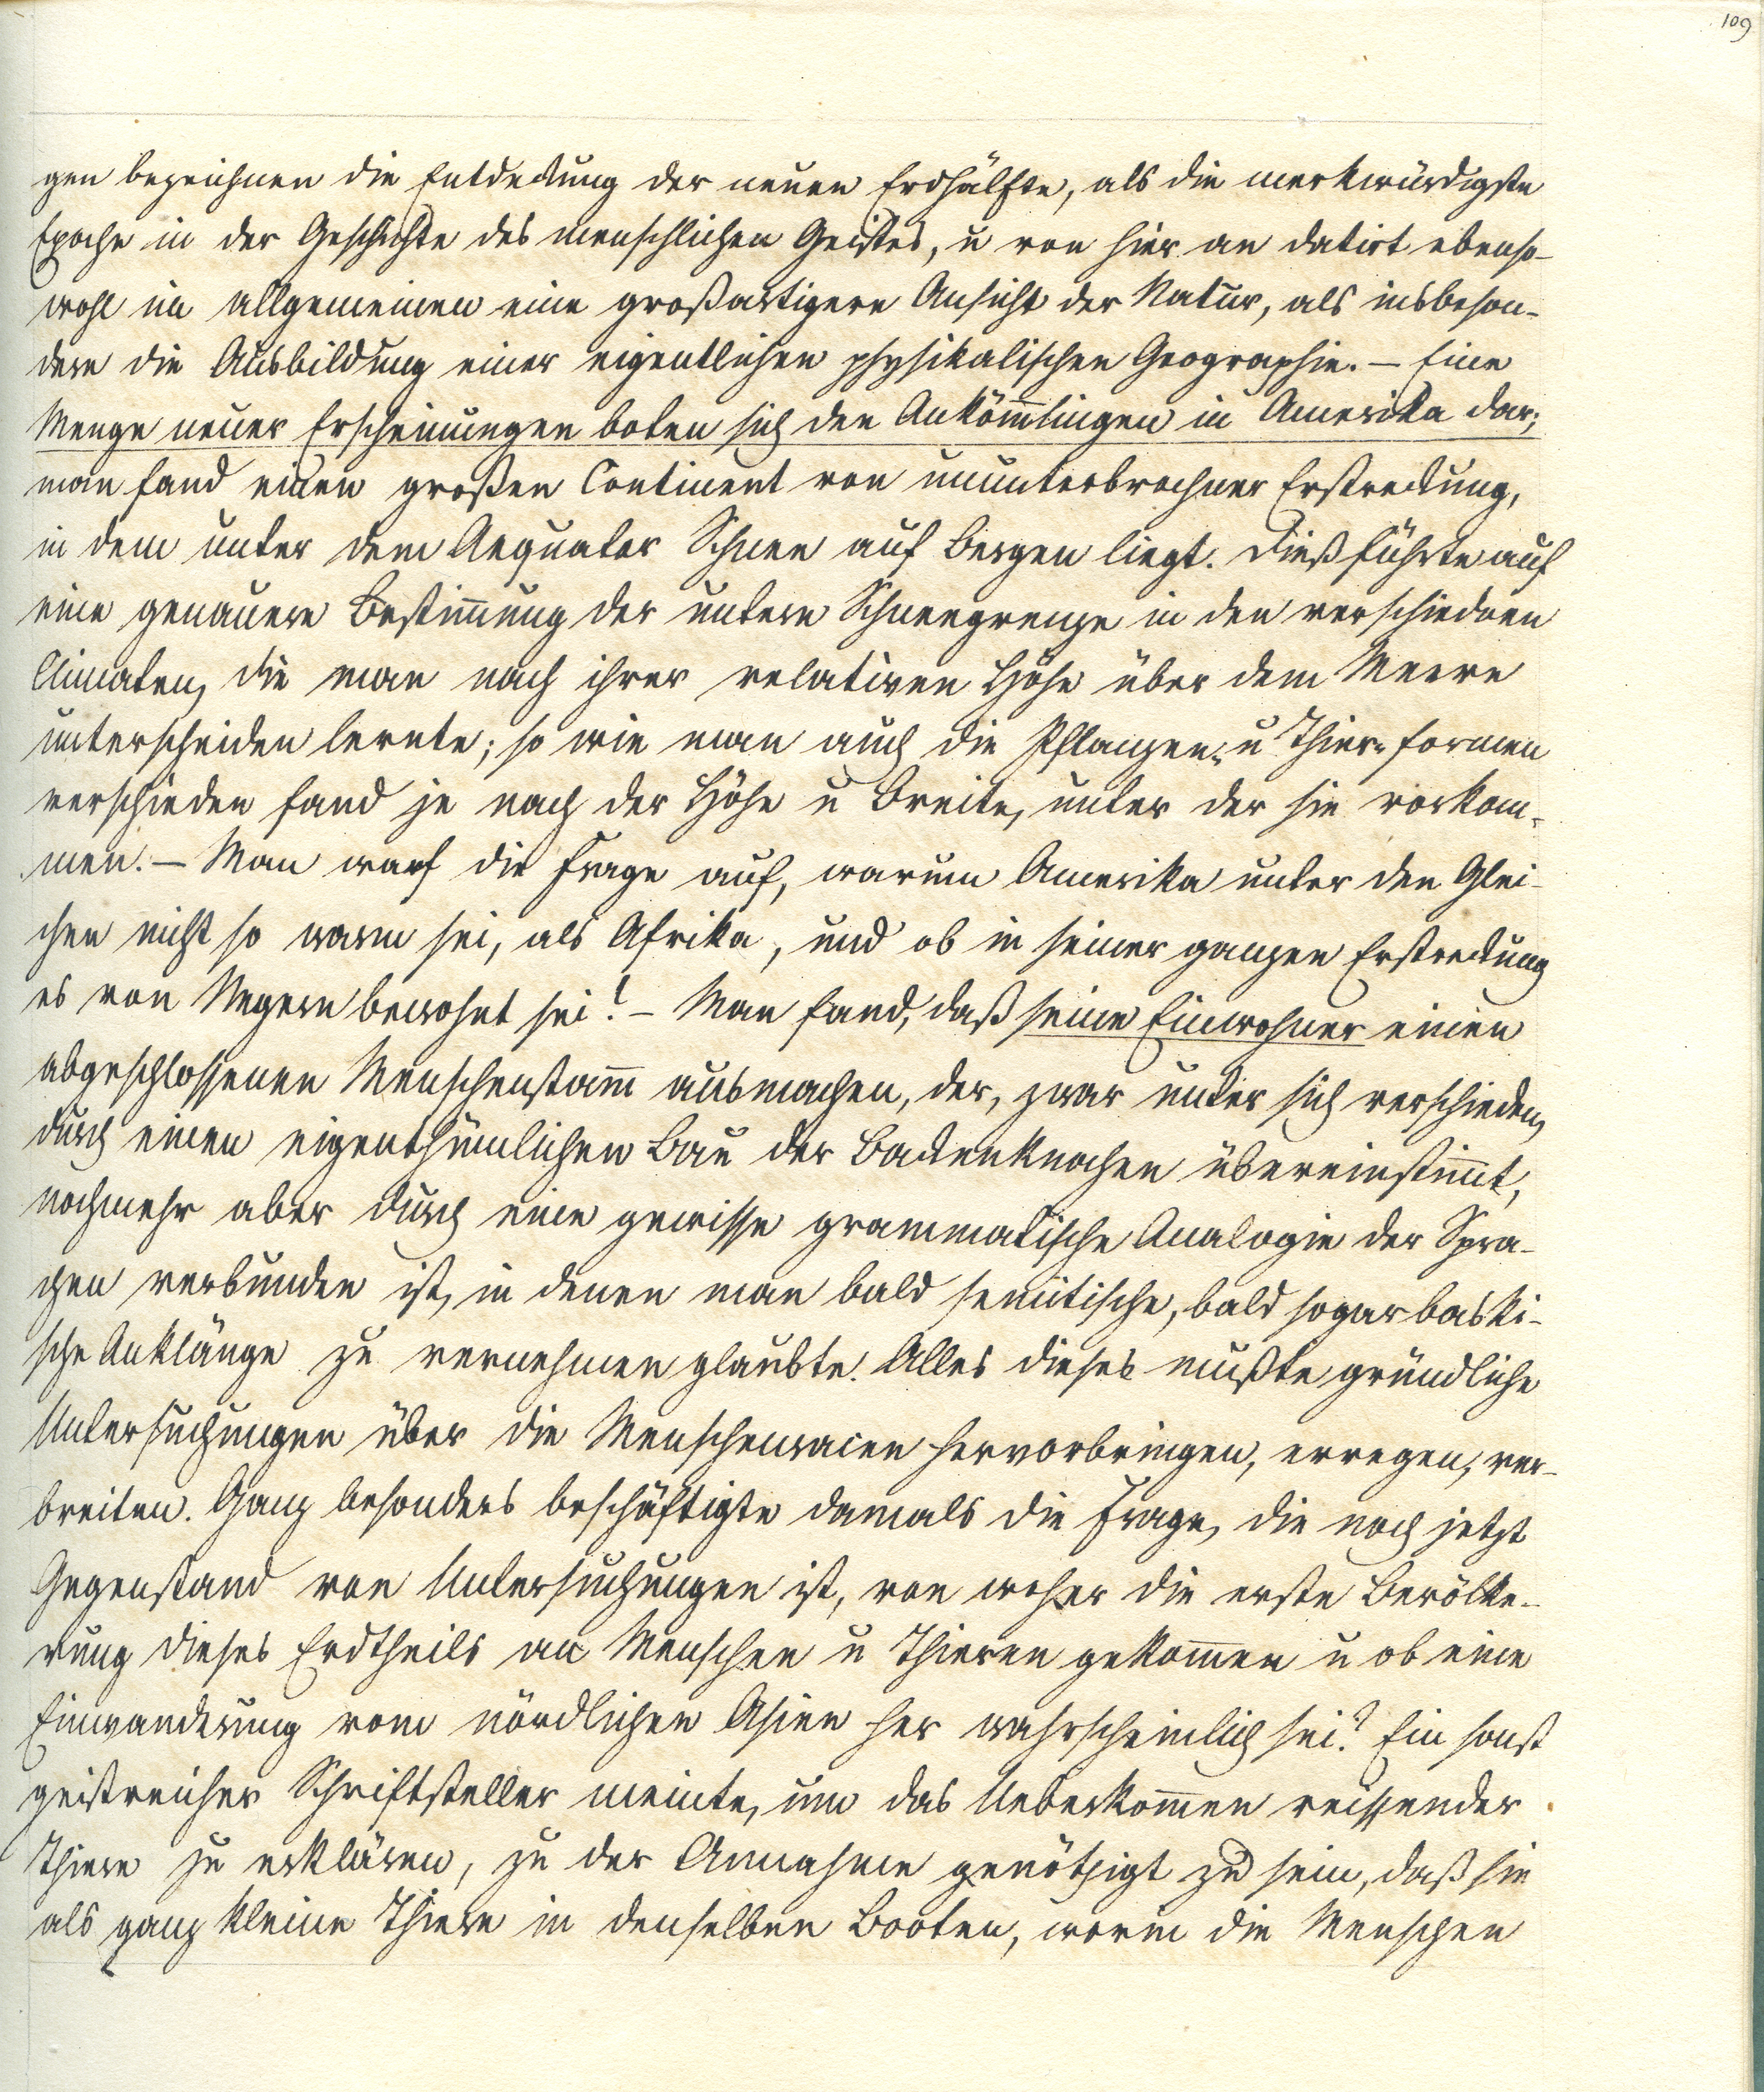gen bezeichnen die Entdeckung der neuen Erdhälfte, als die merkwürdigste
Epoche in der Geschichte des menschlichen Geistes, u von hier an datirt ebenso-
wohl im allgemeinen eine großartigere Ansicht der Natur, als insbeson-
dere die Ausbildung einer eigentlichen physikalischen Geographie. – Eine
Menge neuer Erscheinungen boten sich den Anköm̃lingen in Amerika dar;
man fand einen großen Continent von ununterbrochner Erstreckung,
in dem unter dem Aequator Schnee auf Bergen liegt. Dieß führte auf
eine genauere Bestim̃ung der untern Schneegrenze in den verschiedenen
Climaten, die man nach ihrer relativen Höhe über dem Meere
unterscheiden lernte; so wie man auch die Pflanzen- u Thier-formen
verschieden fand je nach der Höhe u Breite, unter der sie vorkom-
men. – Man warf die Frage auf, warum Amerika unter den Glei-
chen nicht so warm sei, als Afrika, und ob in seiner ganzen Erstreckung
es von Negern bewohnt sei? – Man fand, daß seine Einwohner einen
abgeschlossenen Menschenstam̃ ausmachen, der, zwar unter sich verschieden,
durch einen eigenthümlichen Bau der Backenknochen übereinstim̃t,
nochmehr aber durch eine gewisse grammatische Analogie der Spra-
chen verbunden ist, in denen man bald semitische, bald sogar baski-
sche Anklänge zu vernehmen glaubte. Alles dieses mußte gründliche
Untersuchungen über die Menschenracen hervorbringen, erregen, ver-
breiten. Ganz besonders beschäftigte damals die Frage, die noch jetzt
Gegenstand von Untersuchungen ist, von woher die erste Bevölke-
rung dieses Erdtheils an Menschen u Thieren gekom̃en u ob eine
Einwanderung vom nördlichen Asien her wahrscheinlich sei? Ein sonst
geistreicher Schriftsteller meinte, um das Ueberkom̃en reissender
Thiere zu erklären, zu der Annahme genöthigt zu sein, daß sie
als ganz kleine Thiere in denselben Booten, worin die Menschen